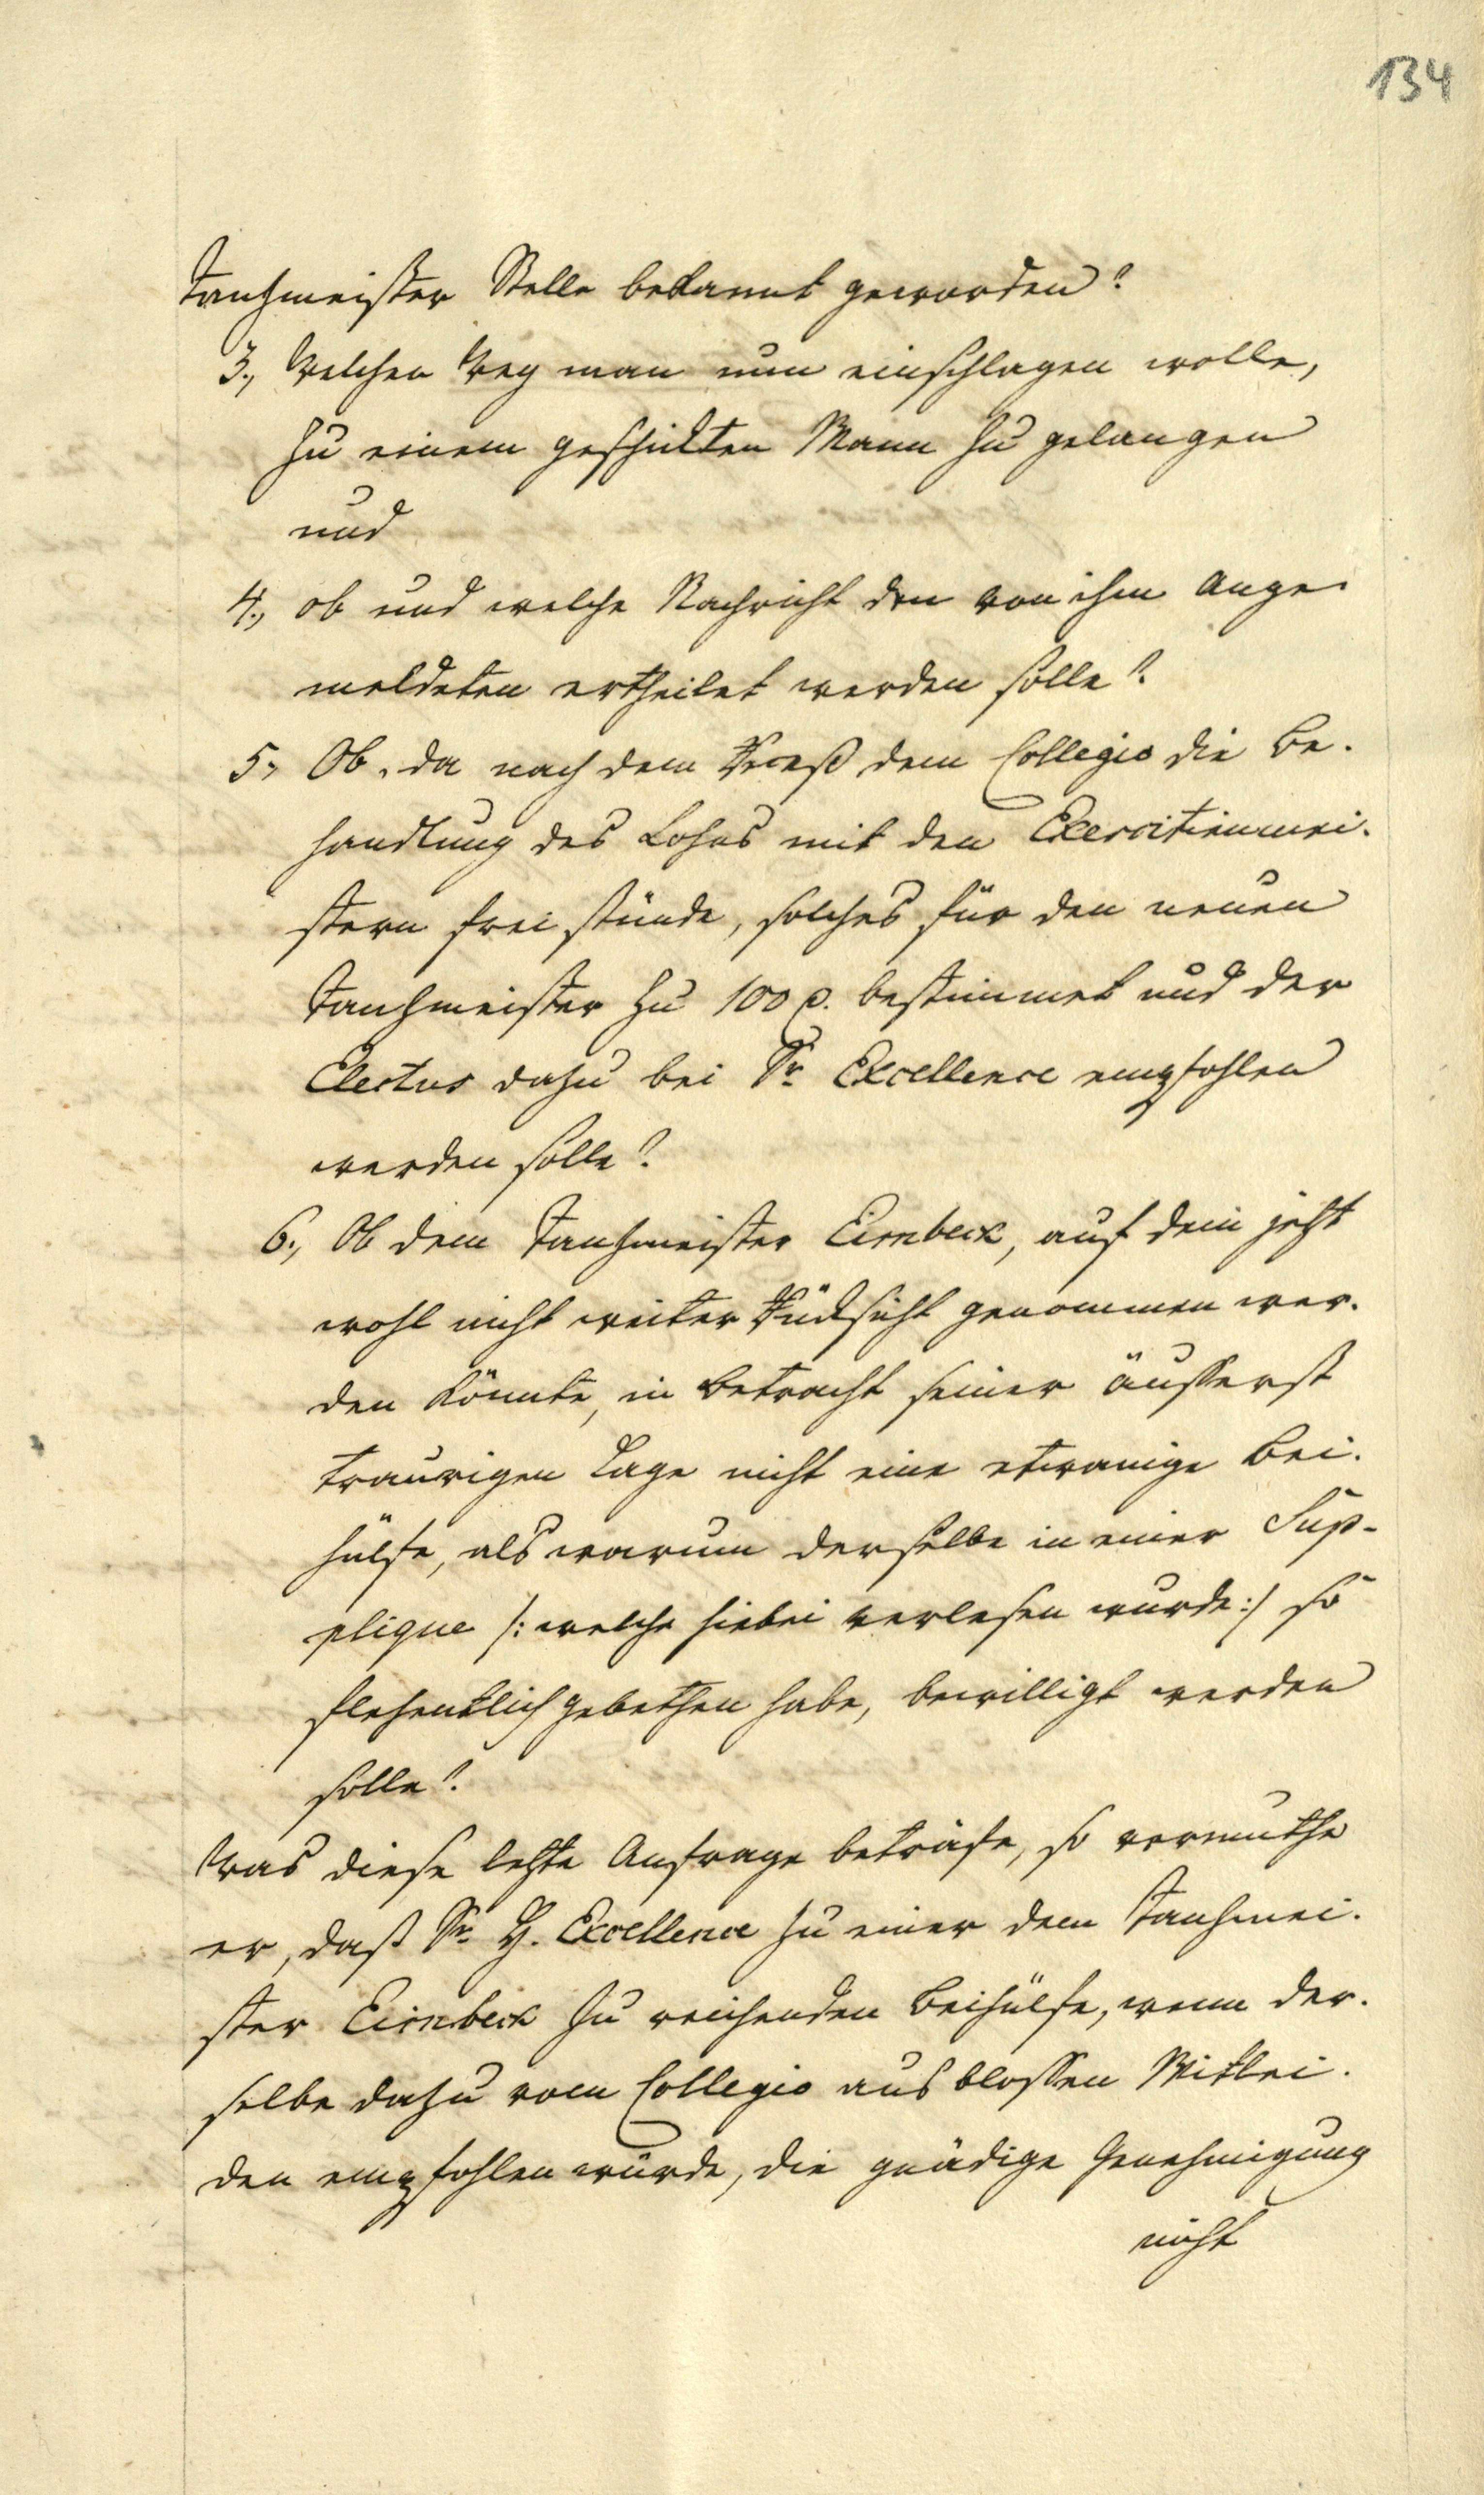Tanzmeister Stelle bekannt geworden?
3., Welchen Weg man nun einschlagen wolle,
zu einem geschickten Mann zu gelangen
und
4., ob und welche Nachricht den von ihm Ange¬
meldeten ertheilet werden solle?
5., Ob, da nach dem Receß dem Collegio die Be¬
handlung des Lohns mit den Exercitienmei¬
stern frei stünde, solches für den neuen
Tanzmeister zu 100 l. bestimmet und der
Electus dazu bei Sr Excellence empfohlen
werden solle?
6., Ob dem Tanzmeister Eimbeck, auf dem jetzt
wohl nicht weiter Rücksicht genommen wer¬
den könnte, in Betracht seiner äusserst
traurigen Lage nicht eine etwanige Bei¬
hülfe, als warum derselbe in einer Sup¬
plique /. welche hiebei verlesen wurde:/ so
flehentlich gebethen habe, bewilligt werden
solle?
Was diese letzte Anfrage beträfe, so vermuthe
er, daß Sr H. Excellence zu einer dem Tanzmei¬
ster Eimbeck zu reichenden Beihülfe, wenn der¬
selbe dazu vom Collegio aus blossen Mitlei¬
den empfohlen würde, die gnädige Genehmigung
nicht